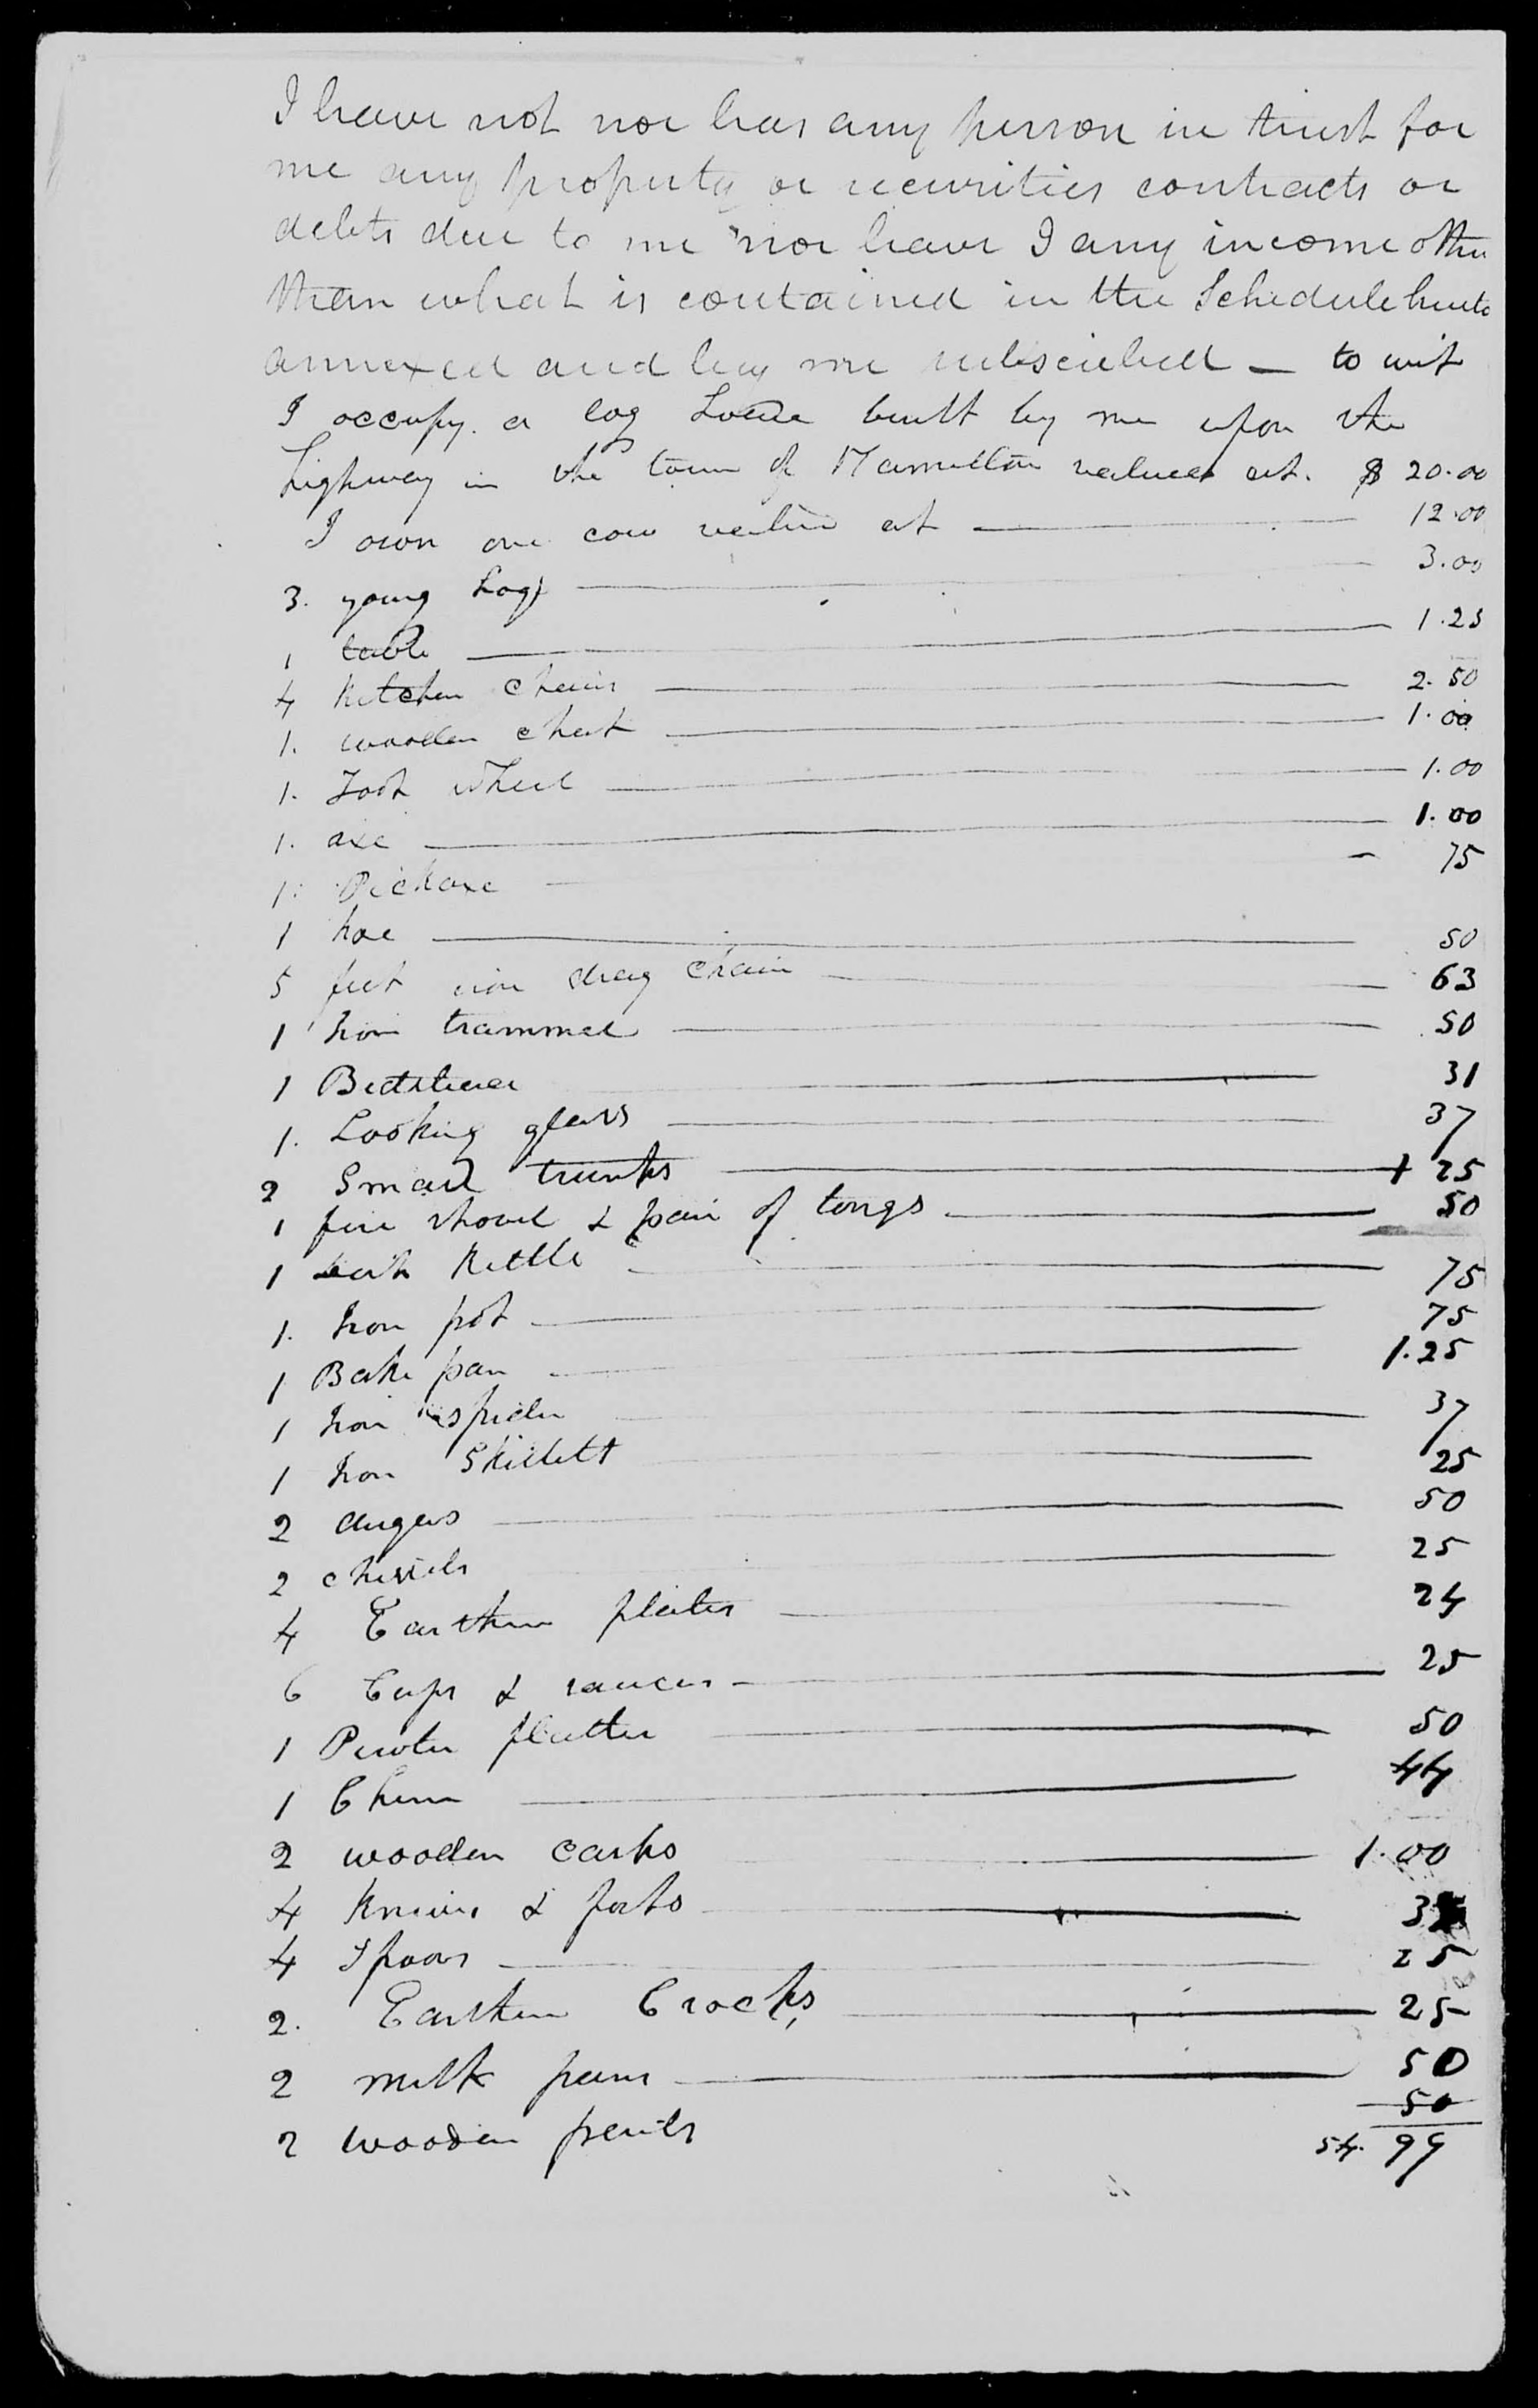I have not nor has any person in trust for me any property or securities contracts or debts due to me nor have I any income other than what is contained in the Schedule hereto annexed and by me subscribed-- to wit
I occupy a log house built by me upon the highway in the town of Hamilton valued at $20.00
I own one cow valued at  - 12.00
3 young hogs - 3.00
1 table - 1.25
4 Kitchen Chairs - 2.50
1 wooden chest - 1. 00
1 [Jack?]  Wheel - 1.00
1 axe - 1.00
1 Pick axe - .75
1 hoe -  .50
5 feet iron drag chain - .63
1 iron trammel - .50
1 [?] - .31
1 Looking glass - .37
2 Small trunks - 1.25
1 fire shovel & pair of tongs - .50
1 [?] Kettle - .75
1 iron pot - .75
1 Bake pan - 1.25
1 iron spider - .37
1 iron Skillett - .25
2 Augurs - .50
2 chisels - .25
4 Earthen plates - .24
6 Cups & saucers - .25
1 Pewter platter - .50
1 [China?] - .44
2 wooden casks - 1.00
4 knives & forks - .3[ink blot]
4 Spoons - .25
2 Earthen Crocks - .25
2 milk pans - .50
2 wooden [?]- .50
[total] 54.99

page: 5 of 34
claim: survivor's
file: S. 39981, Judah Benjamin, Continental (N. H. And N. Y.)